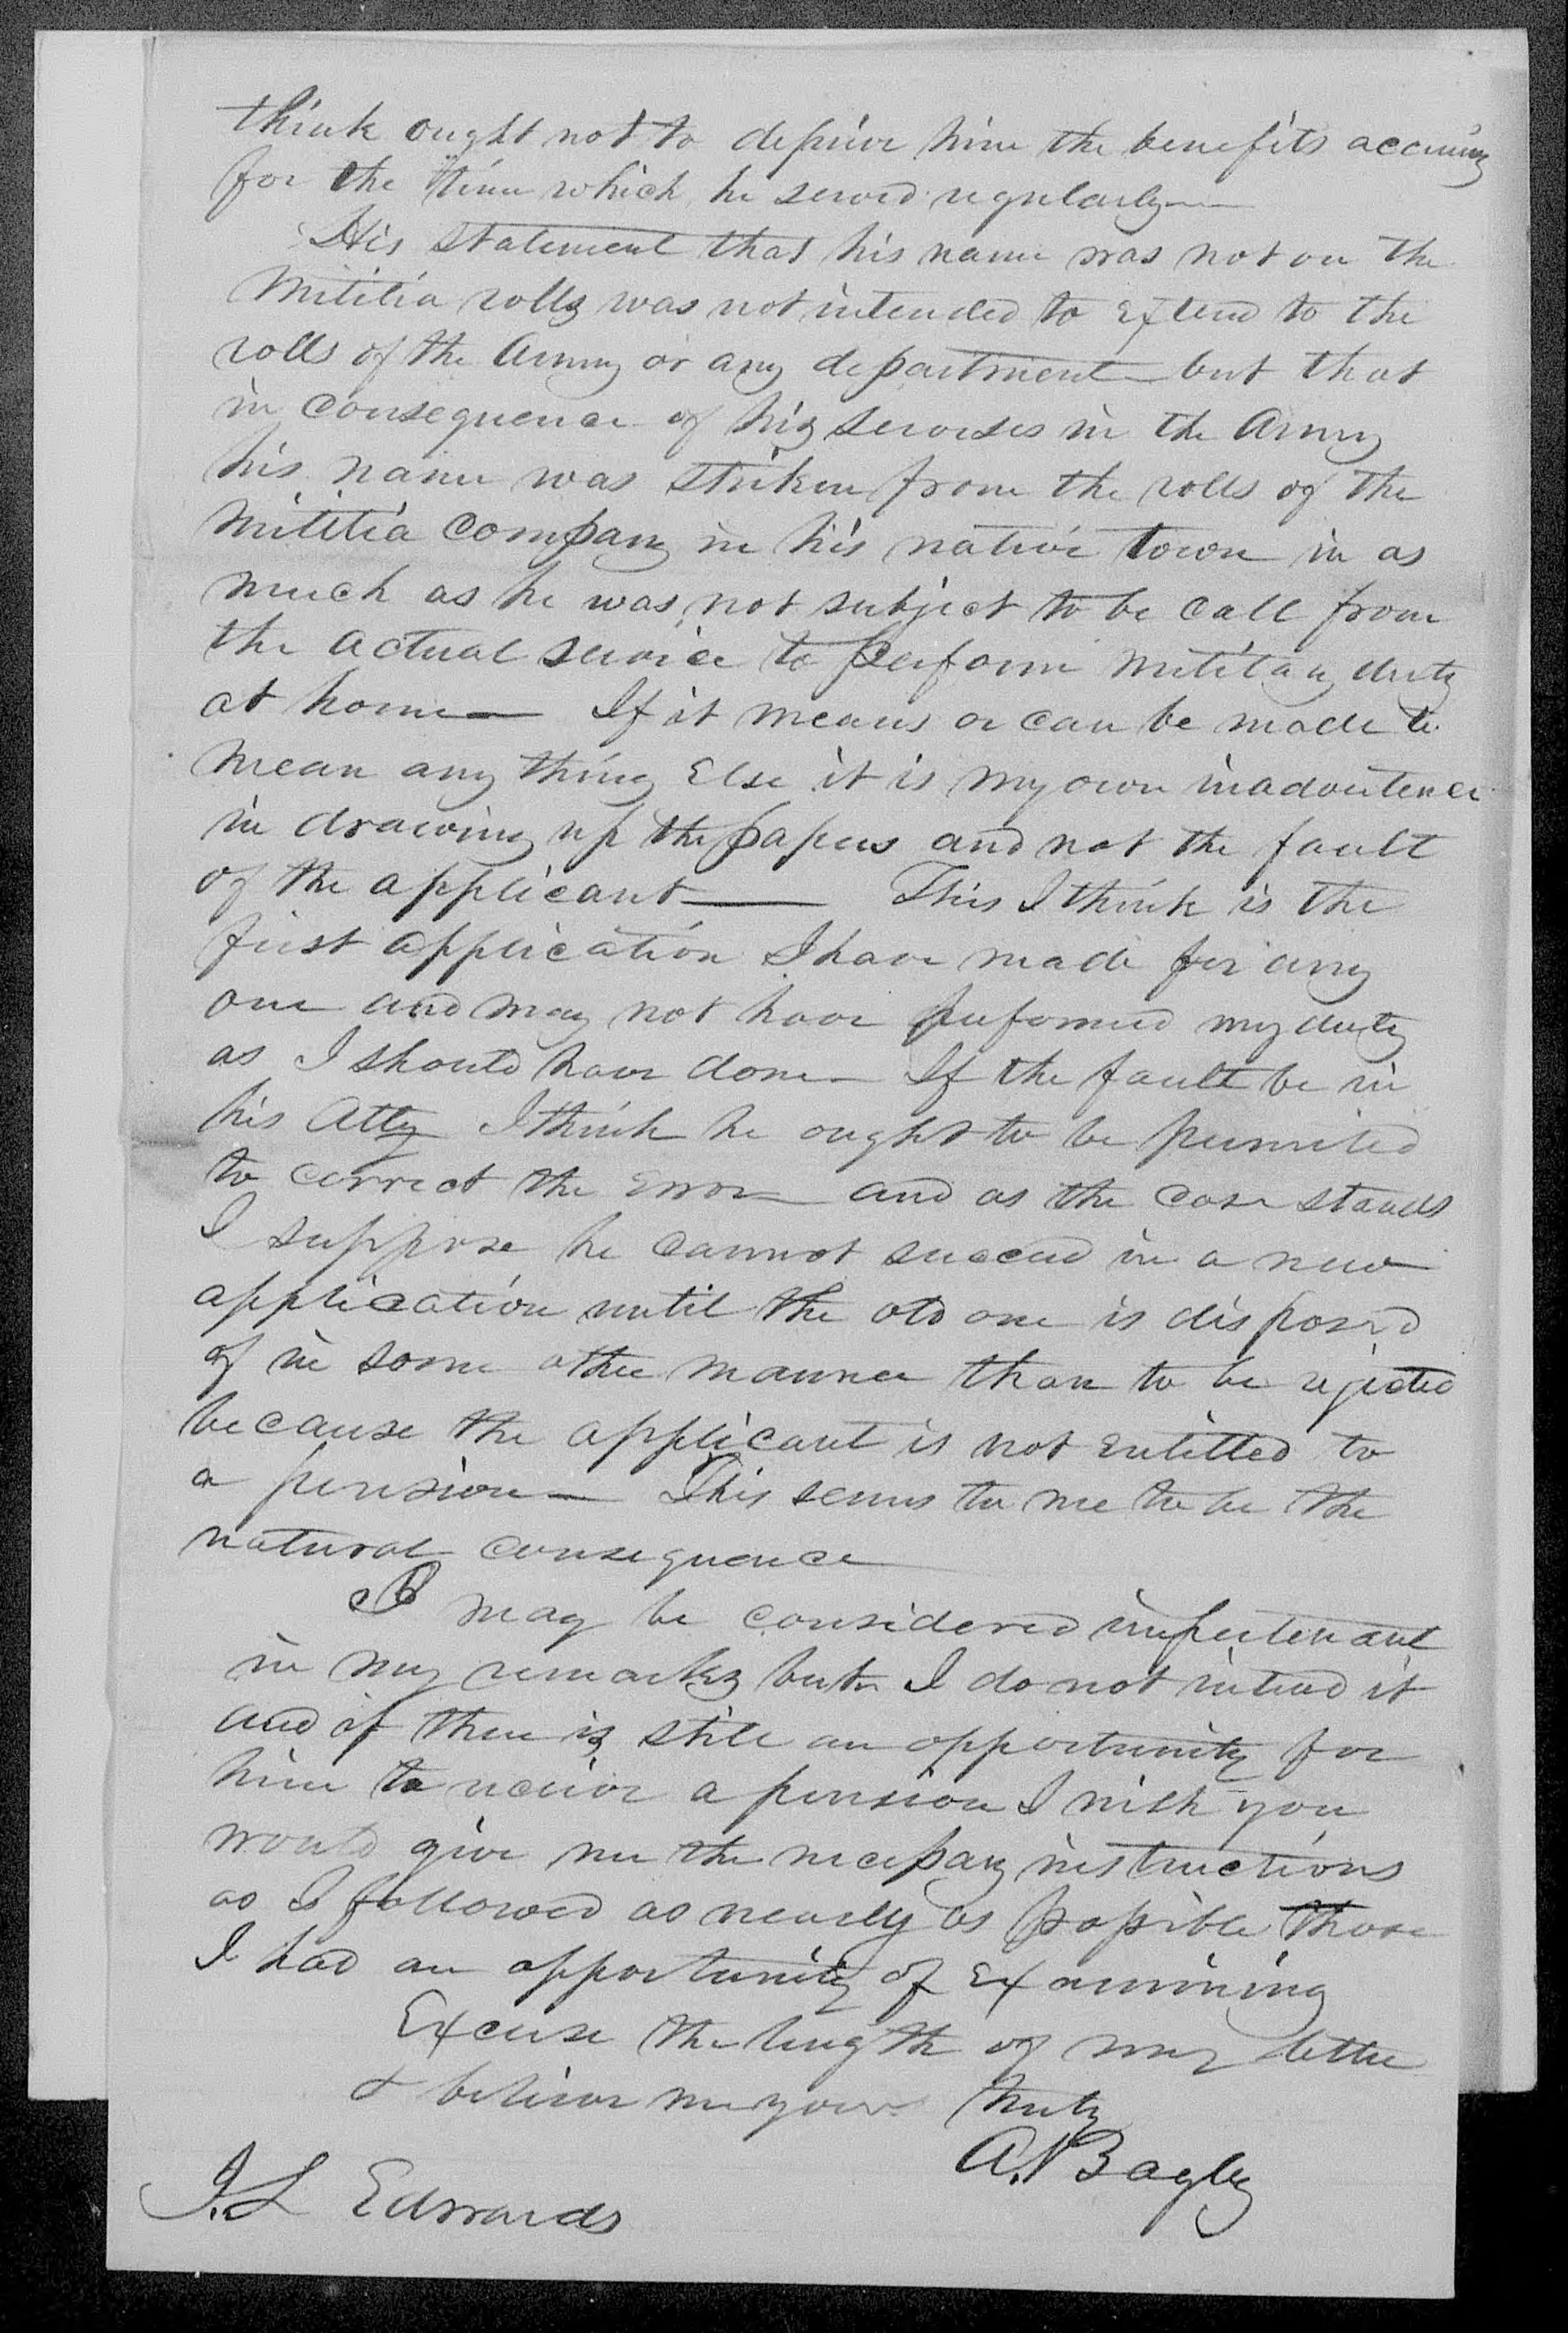think ought not to deprive him the benefits accruing for the time which he served regularly.  
His statement that his name was not on the Militia Rolls was not intended to extend to the rolls of the Army or any department but that in consequence of his services in the Army his name was striken from the rolls of the militia company in his native town in as much as he was not subject to be call from the actual service to perform militia duty at home. If it means or can be made to mean any thing else it is my own inadvertence in drawing up the papers and not the fault of the applicant.  This I think is the first application I have made for any one and may not have performed my duty as I should have done. If the fault be in his Atty I think he ought to be entitled to correct the error and as the case stands I suppose he cannot succeed in a new application until the old one is disposed of in some other manner than to be rejected because the applicant is not entitled to a pension. This serves to me to be the natural consequence.   
I may be considered impertinent in my remarks but I do not intend it and of there is still an opportunity for him to receive a pension I wish you would give me the necessary instructions as followed as nearly as possible those I had an opportunity of examining.   
Excuse the length of my letter & believe me yours truly 
A Bagley
J. L Edwards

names: J L Edwards, A Bagley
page: 26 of 35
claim: rejected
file: R. 501, Phineas Barker, Conn. Privateer